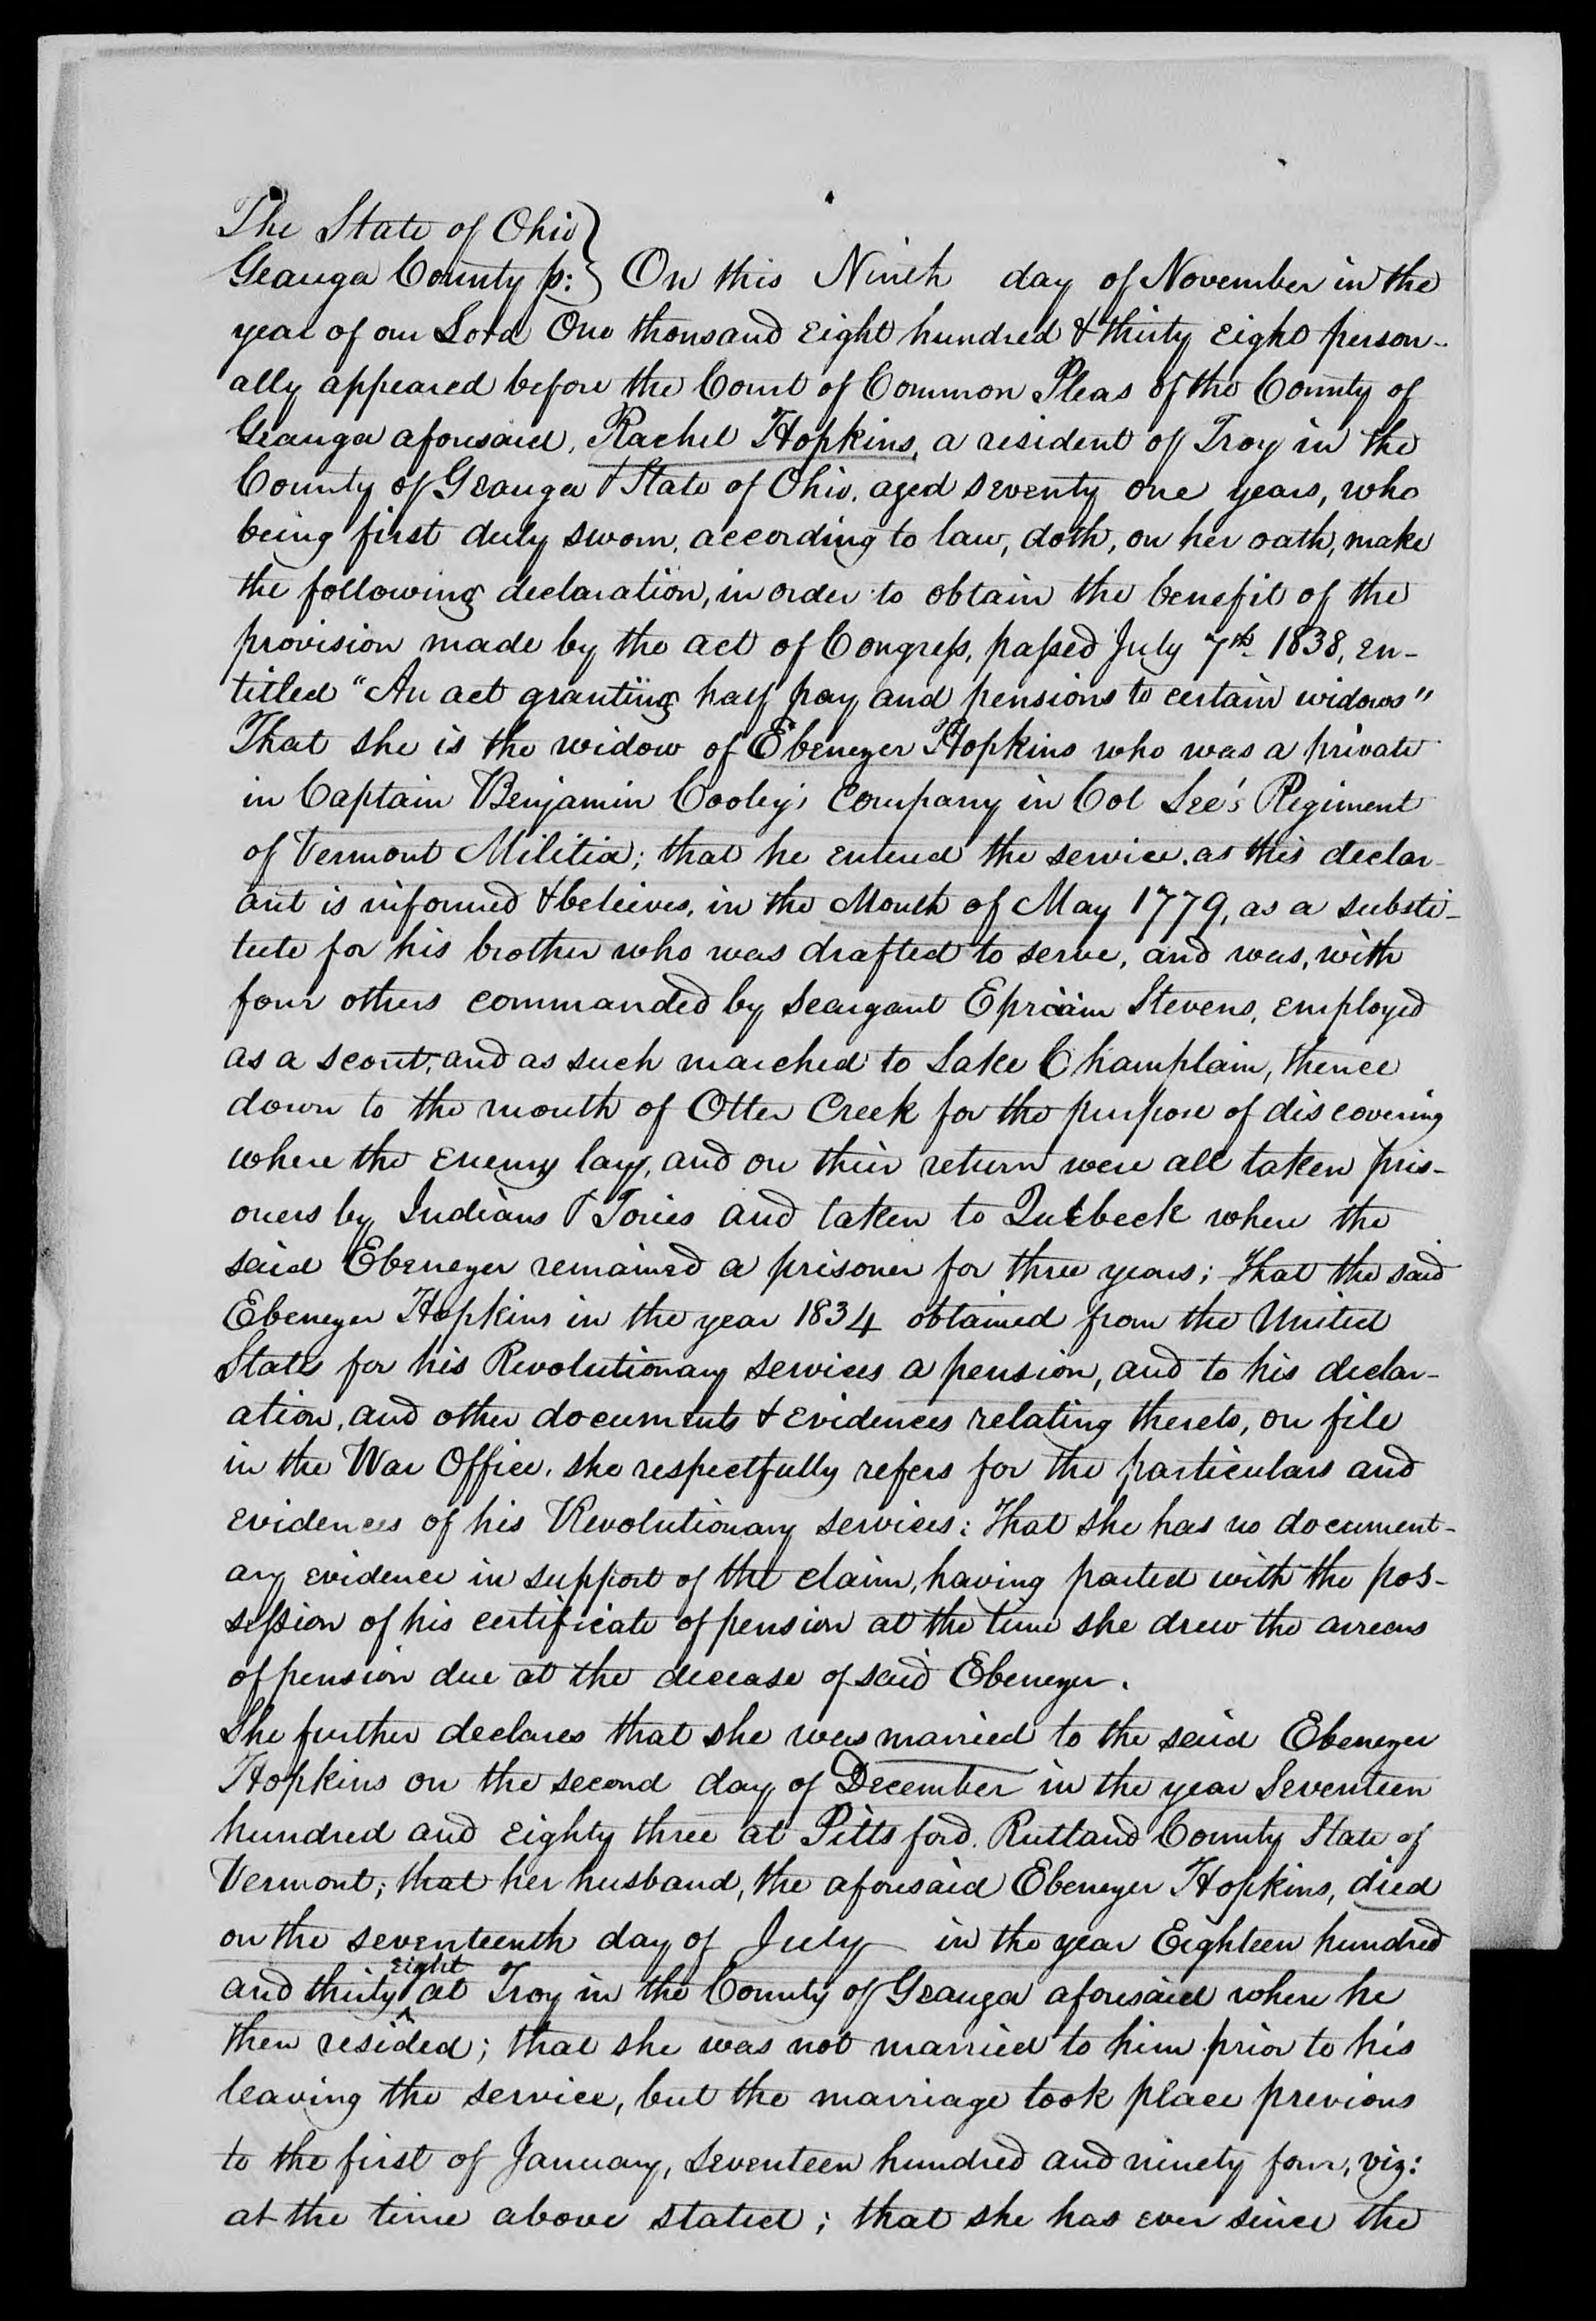The State of Ohio
Geauga County ⎬  On this Ninth day of November in the year of our Lord One thousand Eight hundred & thirty eight personally appeared before the Court of Common Pleas of the County of Geagua aforesaid Rachel Hopkins, a resident of Troy in the County of Geauga & State of Ohio, aged seventy one years, who being first duly sworn, according to law, doth, on her oath, make the following declaration, in order to obtain the benefit of the provision made by the act of Congress, passed July 7th 1838, entitled "An act granting half pay and pensions to certain widows" That she is the widow of Ebenezer Hopkins who was a private in Captain Benjamin Cooley's Company in Col See's Regiment of Vermont Militia; that he entered the service, as this declarant is informed & believes, in the month of May 1779, as a substitute for his brother who was drafted to serve, and was, with four others commanded by Seargant Ephriam Stevens employed as a scout and as such marched to Lake Champlain, thence down to the month of Otter Creek for the purpose of discovering where the enemy lay, and on their return were all taken prisoners by Indians & Tories and taken to Quebeck when the said Ebenezer remained a prisoner for three years; that the said Ebenezer Hopkins in the year 1834 obtained from the United States for his Revolutionary services a pension, and to his declaration, and other documents & evidences relating thereto, on file in the War Office, she respectfully refers for the particulars and evidences of his Revolutionary services: That she has no documentary evidence in support of the claim, having parted with the possession of his certificate of pension at the time she drew the arrears of pension due at the decease of said Ebenezer.

She further declares that she was married to the said Ebenezer Hopkins on the second day of December in the year Seventeen hundred and Eighty three at Pittsford, Rutland County State of Vermont, that her husband, the aforesaid Ebenezer Hopkins, died on the seventeenth day of July in the year Eighteen hundred and thirty at Troy in the County of Geauga aforesaid where he then resided; that she was not married to him prior to his leaving the service, but the marriage took place previous to the first of January, Seventeen hundred and ninety four, viz: at the time above stated; that she has ever since the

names: Benjamin Cooley, Ebenezer Hopkins, Epriam Stevens, Rachel Hopkins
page: 75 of 144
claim: rejected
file: R. 5208, Dennis Hopkins, N.C.